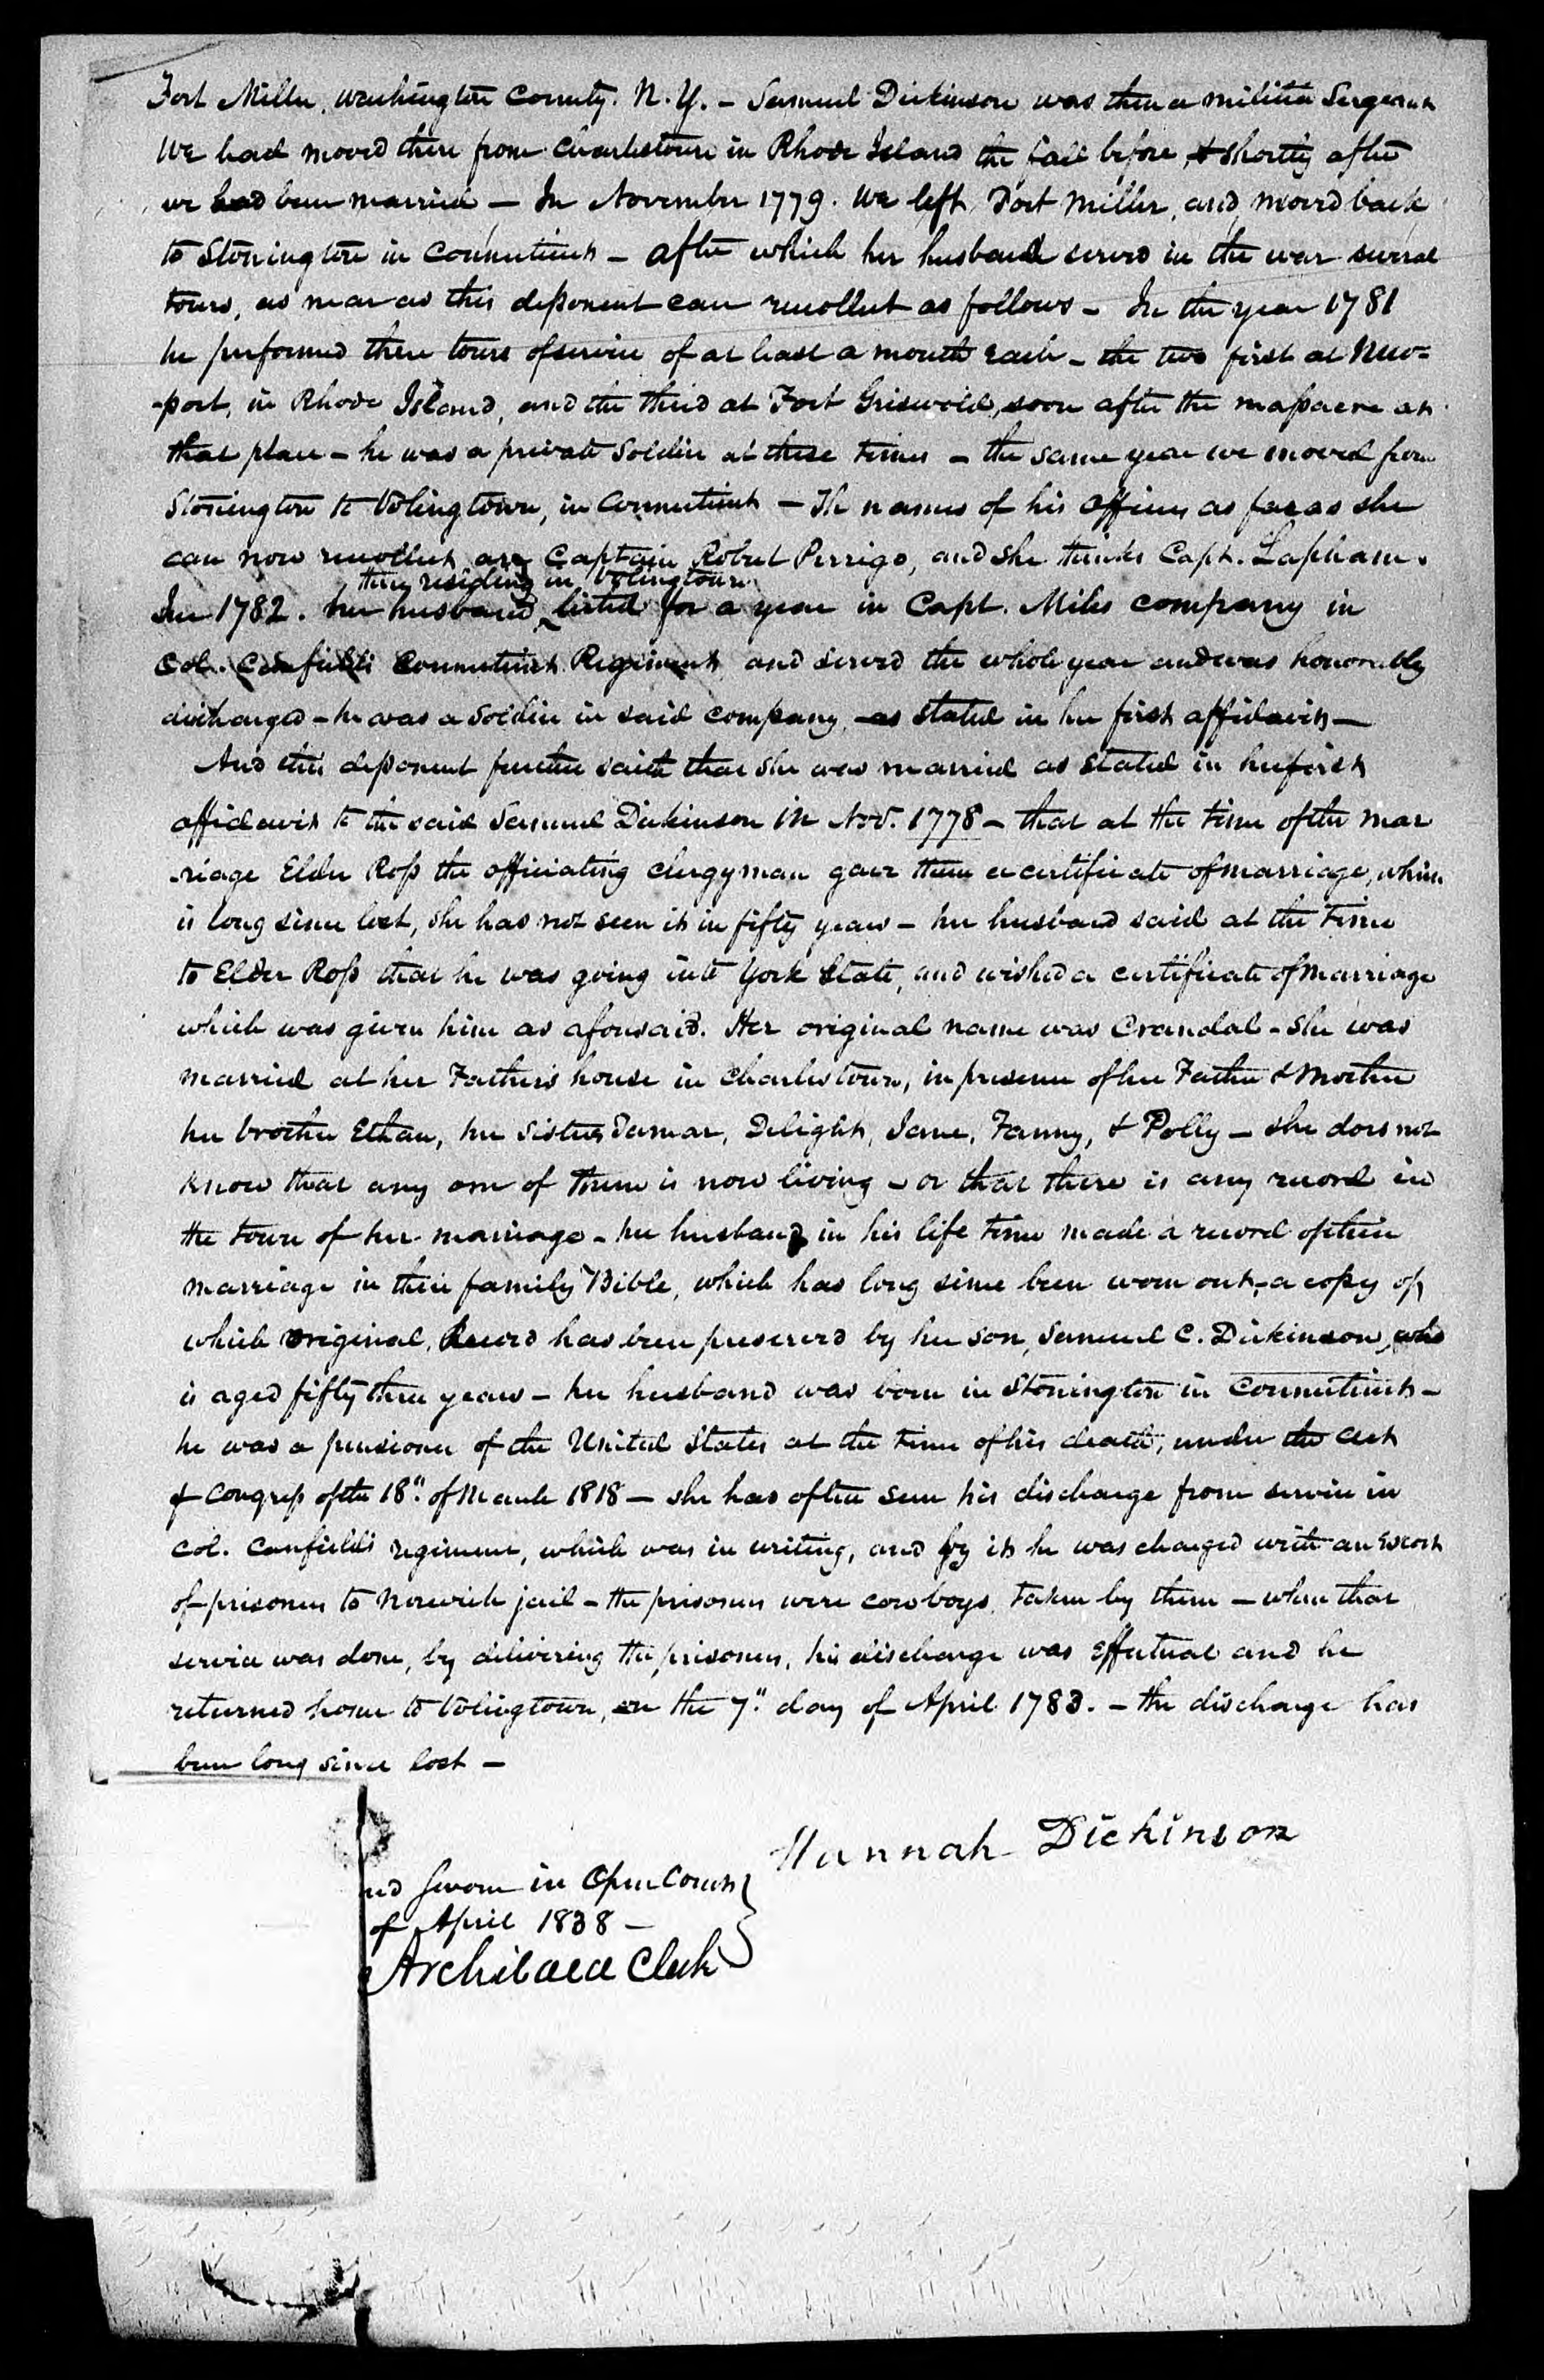Fort Miller, Washington County, N. Y.  - Samuel Dickinson was there a militia Sergeant
We had moved there from Charlestown in Rhode Island the fall before, & shortly after
we had been married - In November 1779. We left Port Miller, and moved back to
Stonington in Connecticut - after which her husband served in the war several
tours, as near as this deponent can recollect as follows- In the year 1781
he performed three tours of service of at least a month each - the two first at 
Newport in Rhode Island, and the third at Fort Griswold, soon after the massacre at
that place - he was a private soldier at these times - the same year we moved from
Stonington to Volingtown, in Connecticut - The names of his officers as far as she
can now recollect are Captain Robert Perrigo, and she thinks Capt. Lapham
In 1782, her husband they residing in Volingtown listed for a year in Capt. Miles company in Col. Canfields Connecticut Regiment and served the whole year and was honorably
discharged - he was a soldier in said company, as stated in her first affidavit -
And this deponent further saith that she was married as stated in her first
affidavit to the said Samuel Dickinson in Nov. 1778 - that at the time of the 
marriage Elder Ross the officiating Clergyman gave the certificate of marriage, which
is long since lost, she has not seen it in fifty years - her husband said at the time
to Elder Ross that he was going into York State, and wished a certificate of Marriage
which was given him as aforesaid. Her original name was Crandal - She was
married at her Father's house in Charlestown, in presence of her Father & Mother
her brother Ethan, her sisters Janas, Deligha, Jane, Fanny, & Polly - she does not
know that any one of them is now living - or that there is any record in
the town of her marriage - her husband in his life time made a record of their
marriage in their family Bible, which has long since been worn out - a copy of
which original Record has been preserved by her son, Samuel C. Dickinson, who
is aged fifty three years - her husband was born in Stonington in Connecticut -
he was a pensioner of the United States at the time of his death, under the Act
of Congress of the 18th of March 1818 - she has often seen his discharge from service in
Col. Canfield's regiment, which was in writing, and by it he was charged with an work
of prisoners to Norwich jail - the prisoners were cow boys, taken by them - when that
service was done, by delivering the prisoners, his discharge was effectual and he
returned home to Volingtown, on the 7" day of April 1783. - the discharge has
been long since lost -
Hannah Dickinson

[missing] and sworn in Open Court
[missing] of April 1838-
[missing] Archibald  Clerk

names: Samuel Dickinson, Eathan, Archibald, Elder Ross, Lapham, Elder Ross, Samuel Dickinson, Samuel C Dickinson, Robert Perrigo, Polly, Hannah Dickinson, Damar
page: 47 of 60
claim: widow's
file: W 16,955, Samuel Dickinson, Conn.